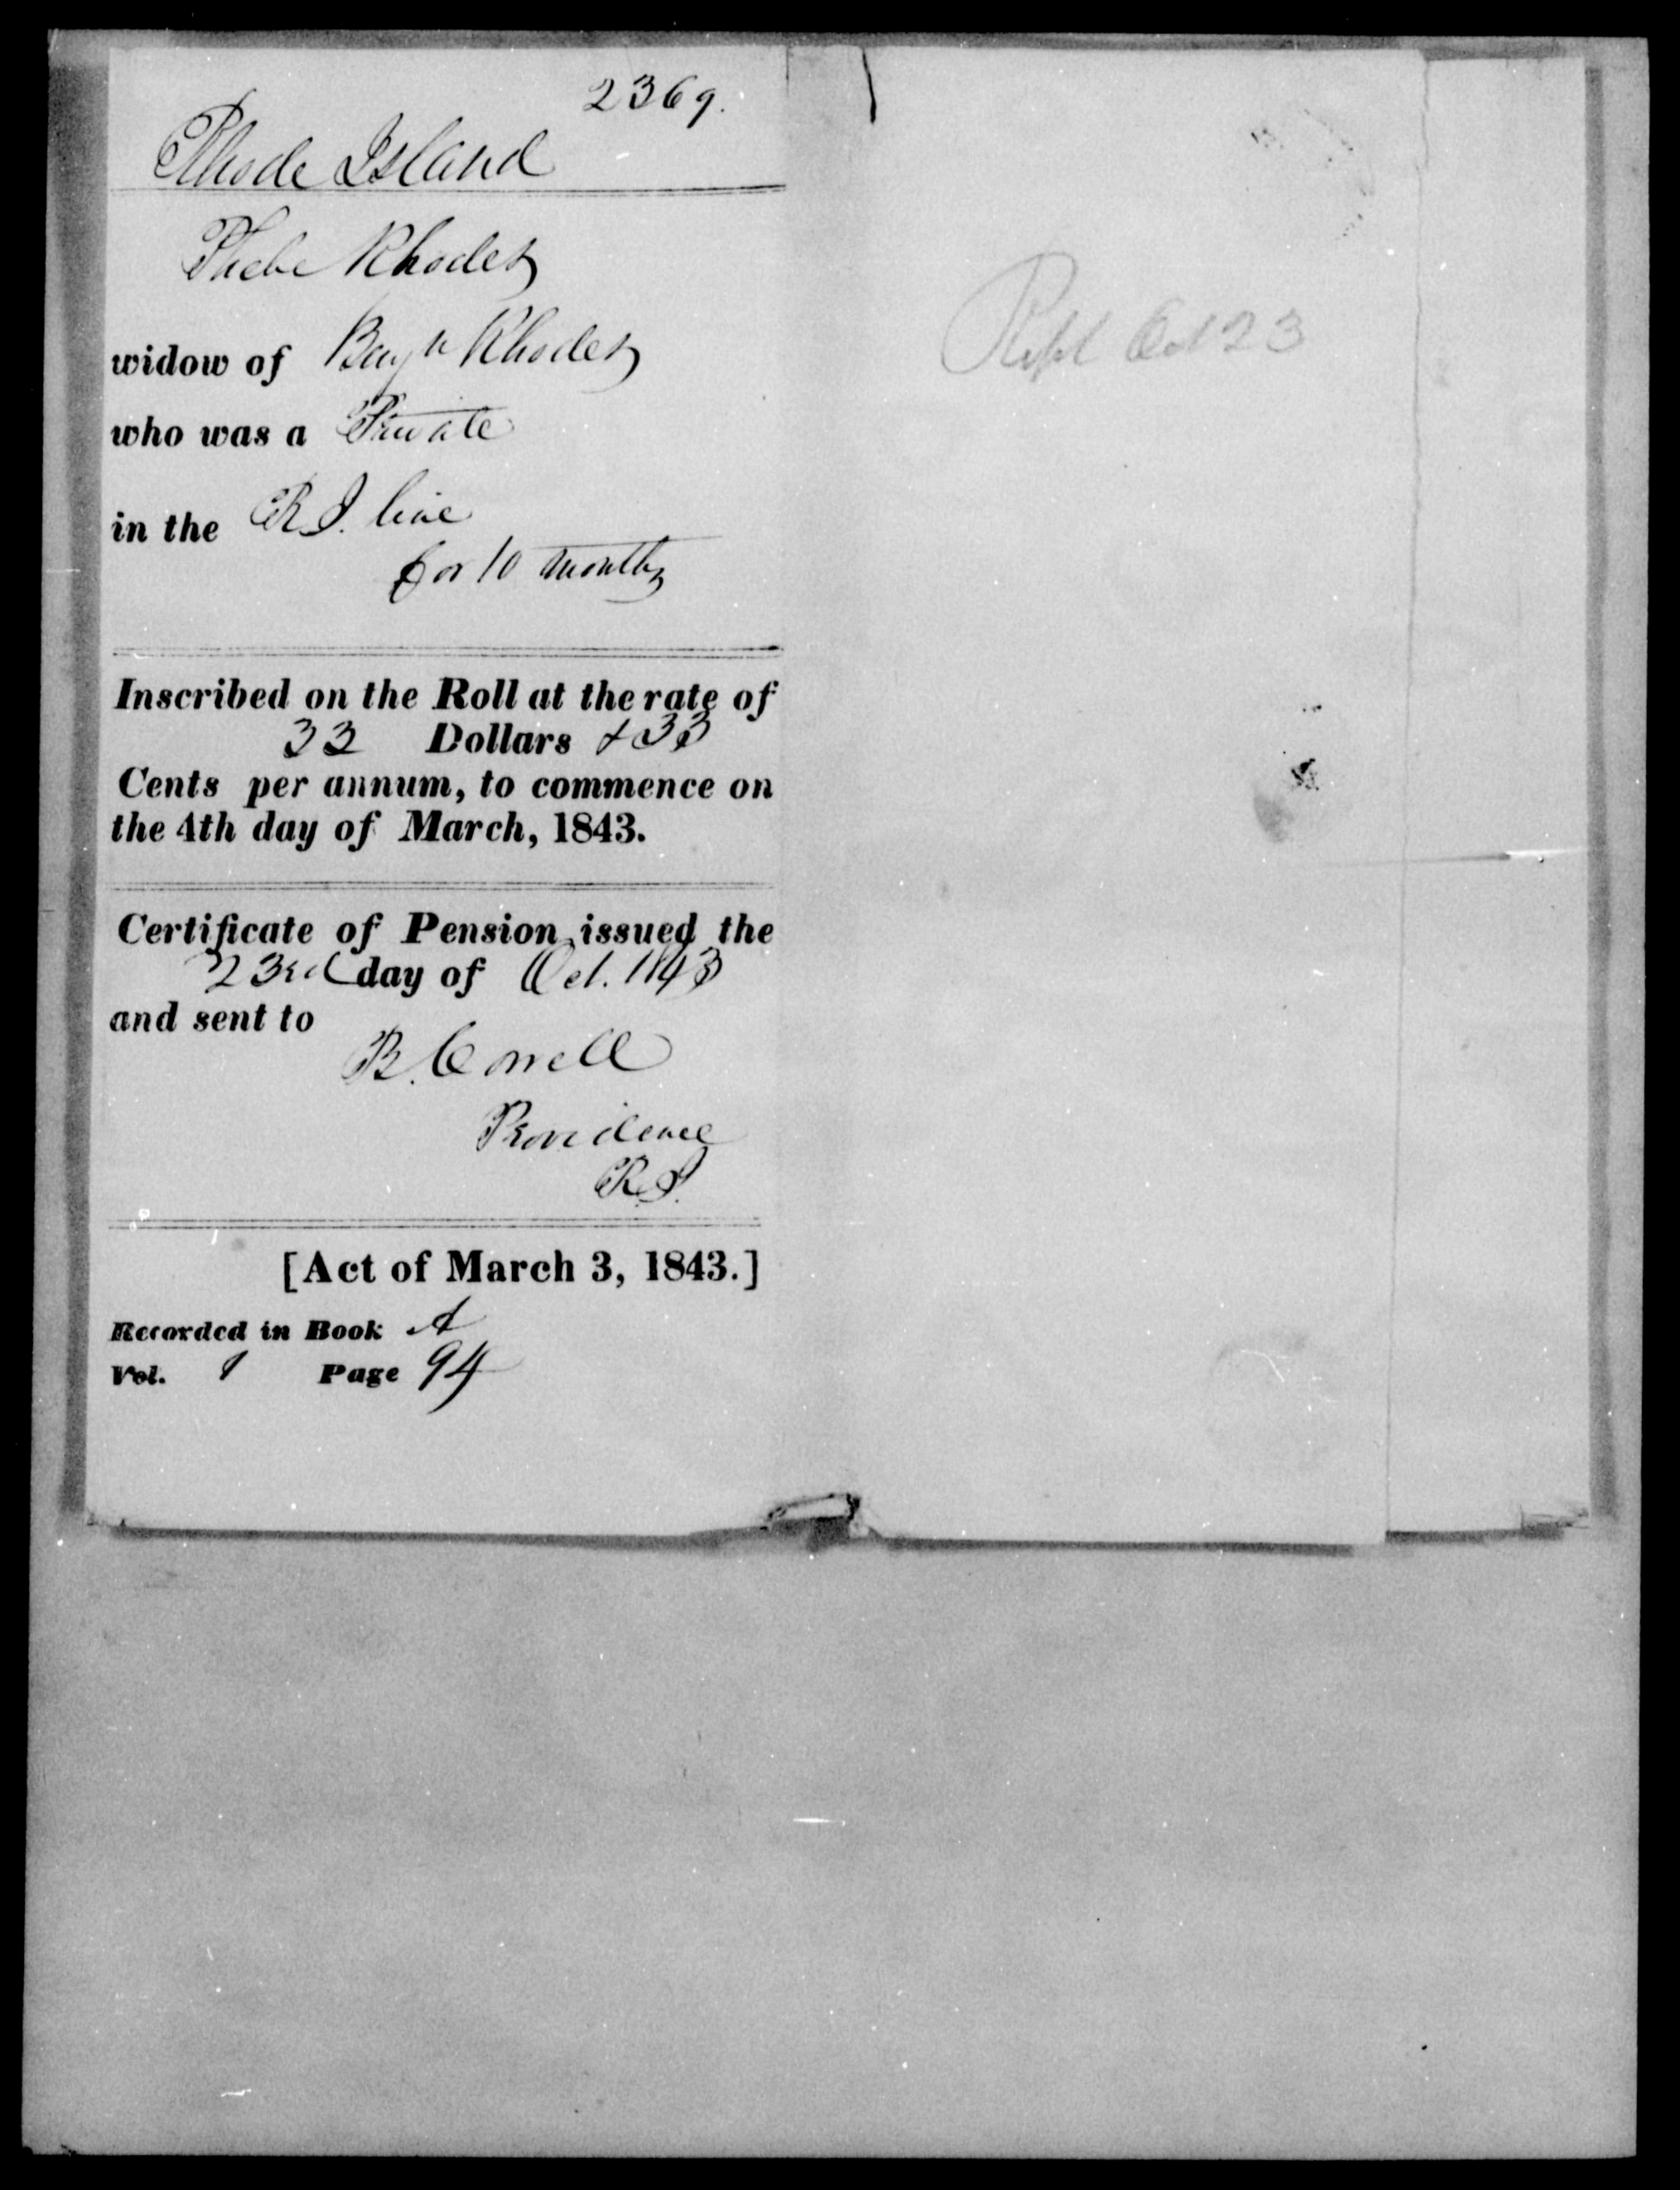Rhode Island 2369
Phebe Rhodes
widow of Benjm Rhodes
who was a Private
in the R.I. line for 10 months
= 
Inscribed on the Roll at the rate of 33 Dollars + 33 Cents per annum, to commence on the 4th day of March, 1843.
=
Certificate of Pension issued the 23rd day of Oct 1843 and sent to B. Cowell Providence R.I.
=
[Act of march 3, 1843.]
Recorded in Book A
Vol. 1 Page 94
R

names: Phebe Rhodes; B Cowell; Benja Rhodes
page: 27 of 50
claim: widow's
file: W. 22058, for Benjamin Rhodes, Rhode Island